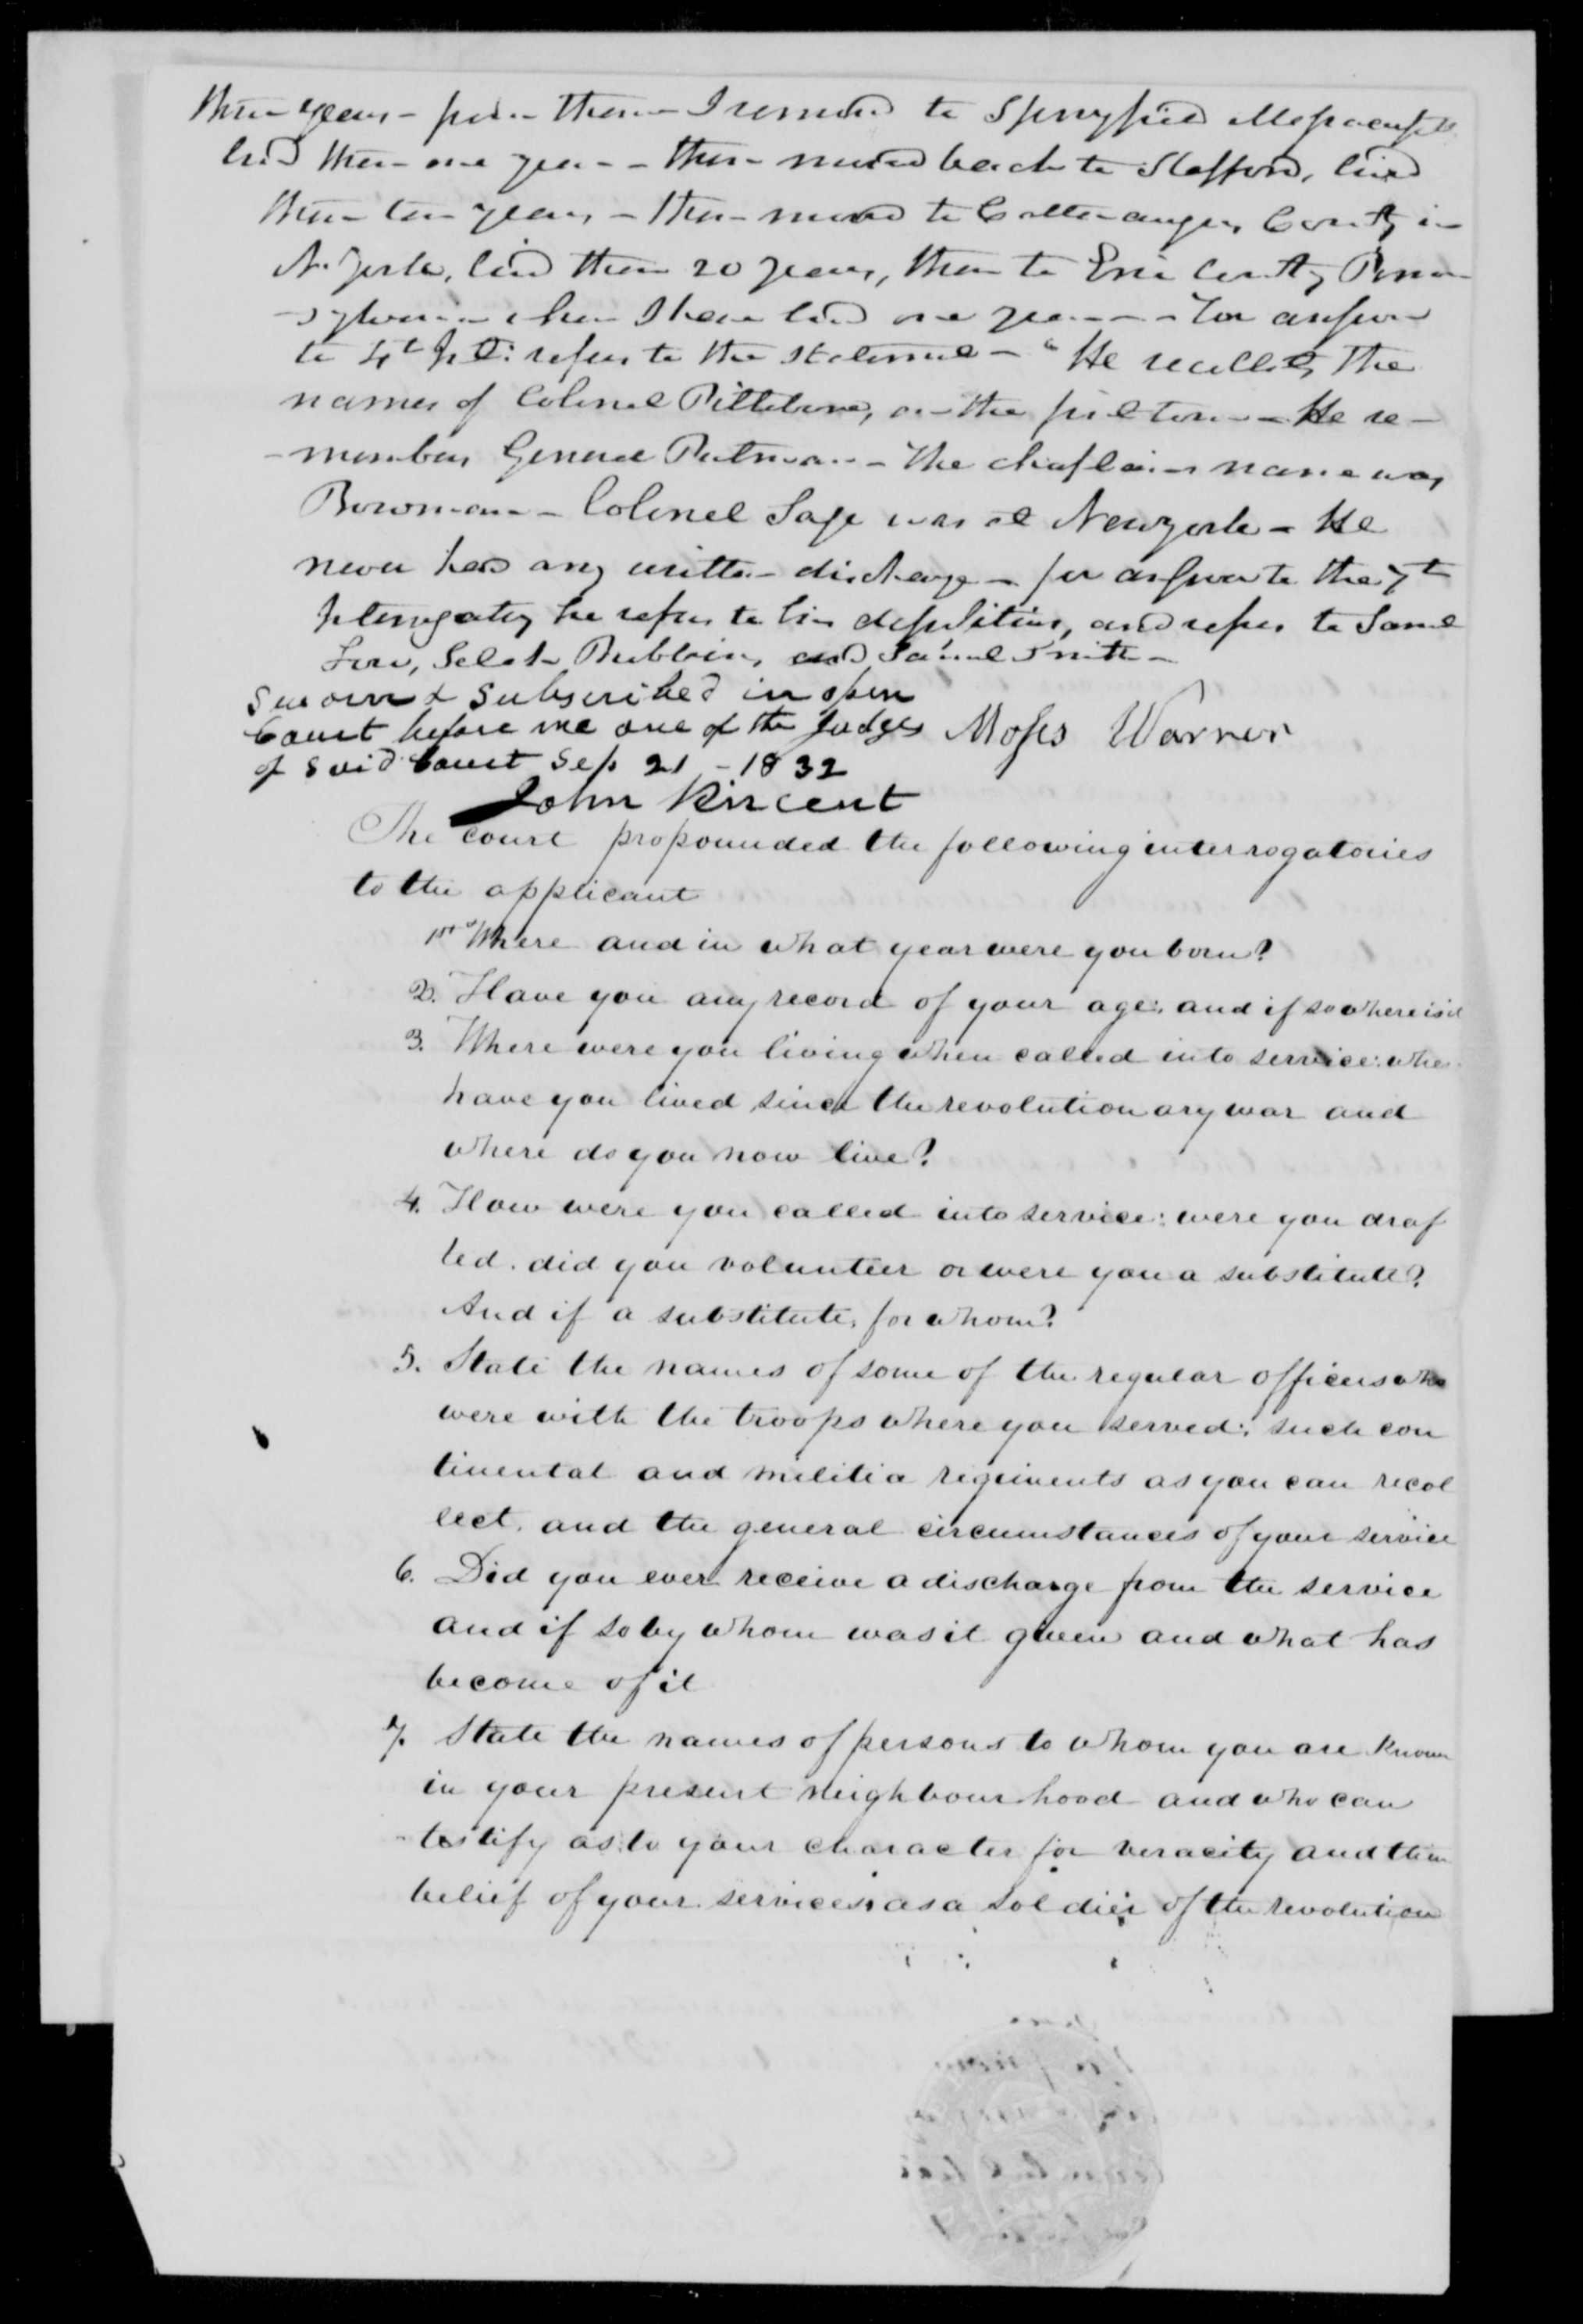there three years.  From there I removed to Springfield Massachusetts lived there one year.  Then moved back to Stafford, lived there ten years. Then moved to Cattaraugus County in New York, lived there 20 years. Then to Erie County, Pennsylvania where I have lived one year.  To  answer to 4th interrogatory refer to the statement, "He recollects the names of Colonel Pillitere on the first tour.  He remembers General Putman.  The chaplain's name was Bowman.  Colonel Sage was at New York.  He never had any written discharge.  For answer to the 7th interrogatory, he refers to his declarations, and refers to  Samuel Levi, Selah Robbins, and Samuel Smith.
Moses Warner

Sworn and subscribed in open  court before me, one on the Judges of said Court Sept 21, 1832
John Vincent

The court propounded the following interrogatories to the applicant.
1st  Where and in what year were you born?

2.   Have you any record of your age and if so where is it ?

3.   Where were you living when called into service:  Where have you lived since the revolutionary war and  where do you how live?

4.   How were you called into service:  were you drafted, did you volunteer or were you a substitute?  And if a substitute, for whom?

5. State the names of some of the regular officers who were with the troops where you served:  such continental and militia regiments as you can recollect and the general circumstances of your service.

6.  Did you ever receive a discharge from the service, if so by whom was it given and what has become of it.

7.  State the names of persons to whom you are known in your present neighborhood and who can testify as to your character for veracity and the belief of your service as a soldier of the revolution.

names: Pillitere, John Vincent, Samuel Smith, Samuel Levi, Bowman, Putman, Selah Rubbin, Moses Warner, Sage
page: 13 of 40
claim: widow's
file: W. 3742, Moses Warner, Conn.